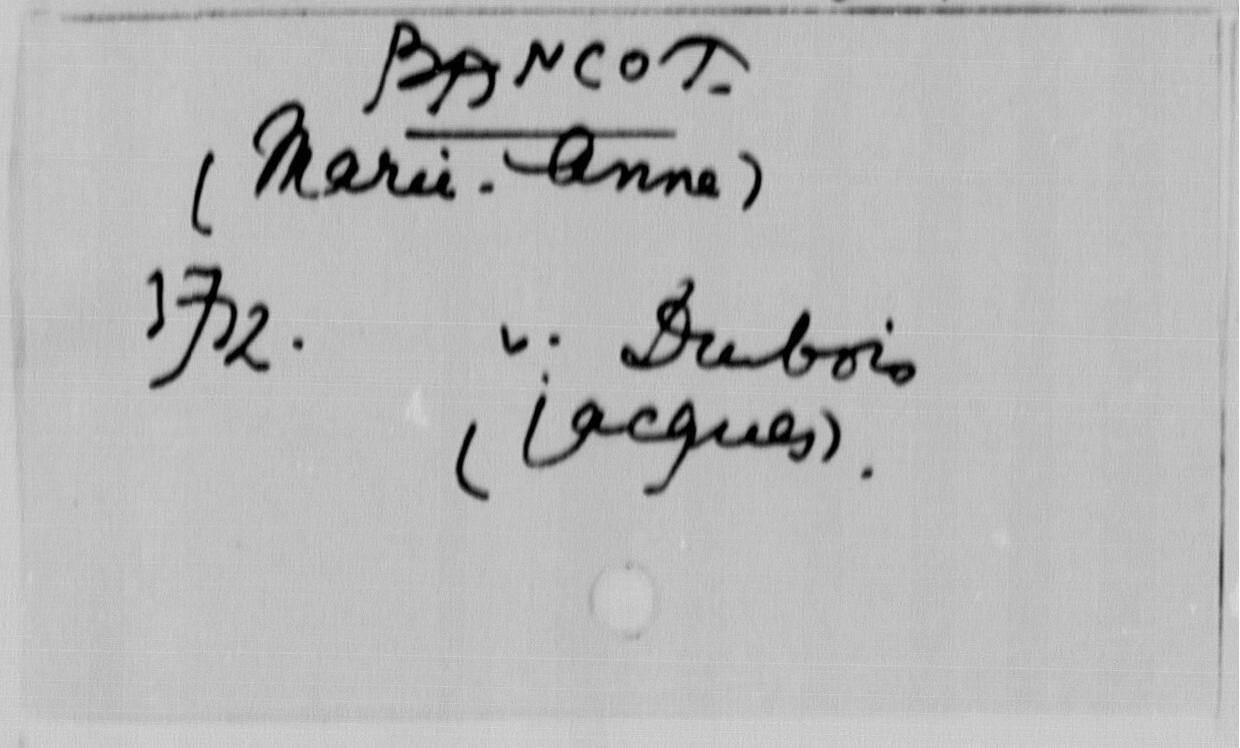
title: BANCOT (Marie-Anne)
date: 1712
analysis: Voir Dubois (Jacques)
